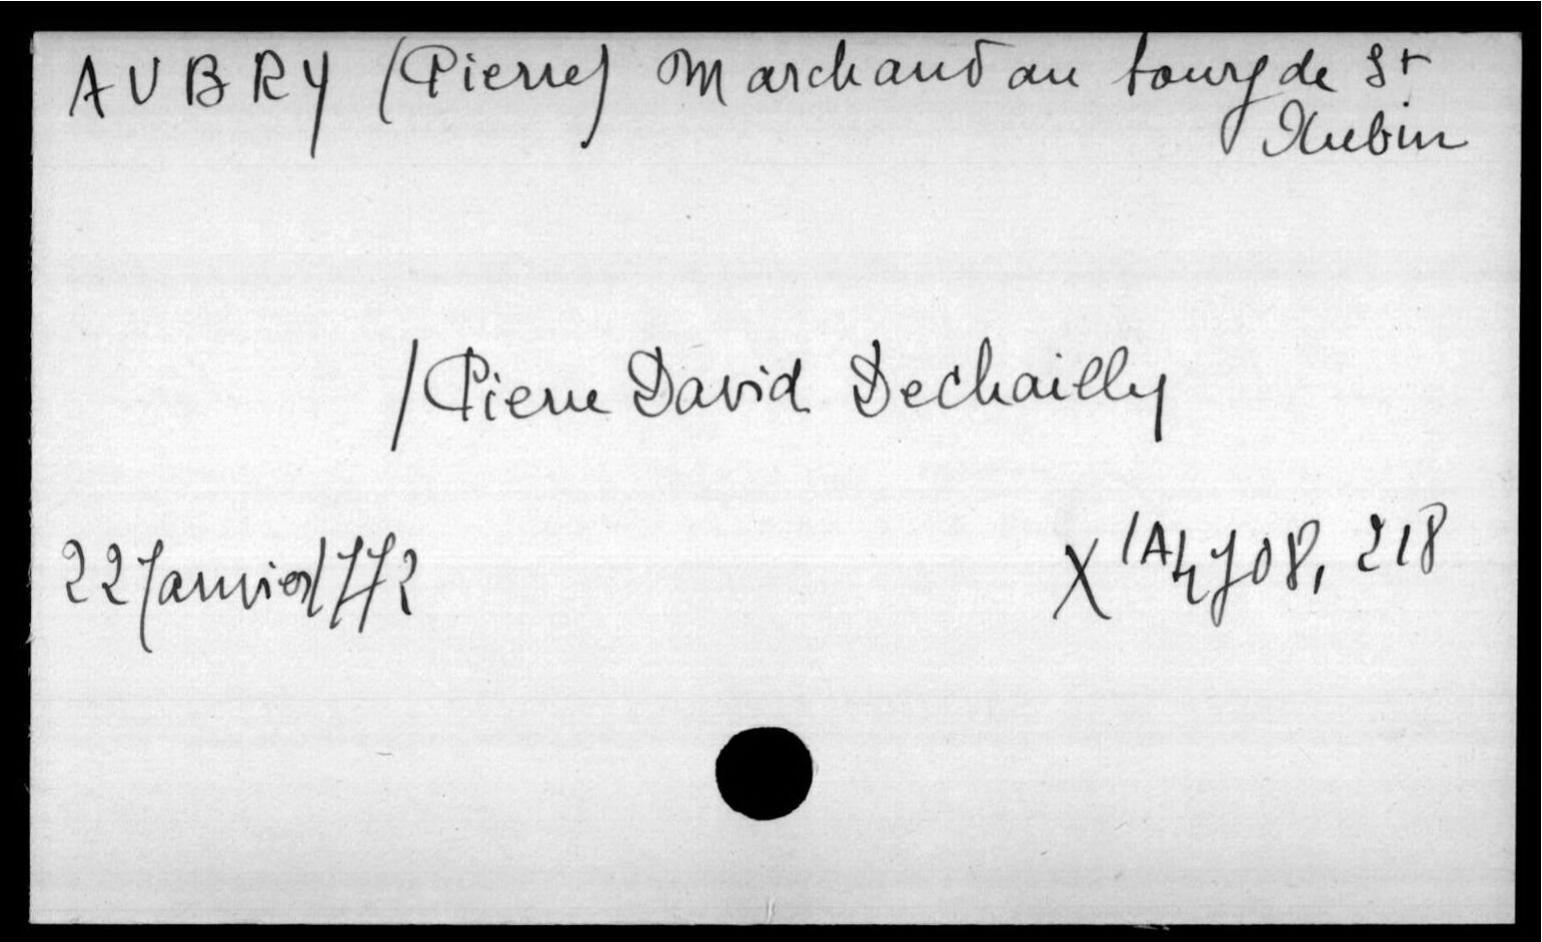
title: AUBRY (Pierre) Marchand au bourg de Saint-Aubin
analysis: Contre Pierre David Dechailly
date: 22 janvier 1772
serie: X1A
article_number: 4708
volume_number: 218
